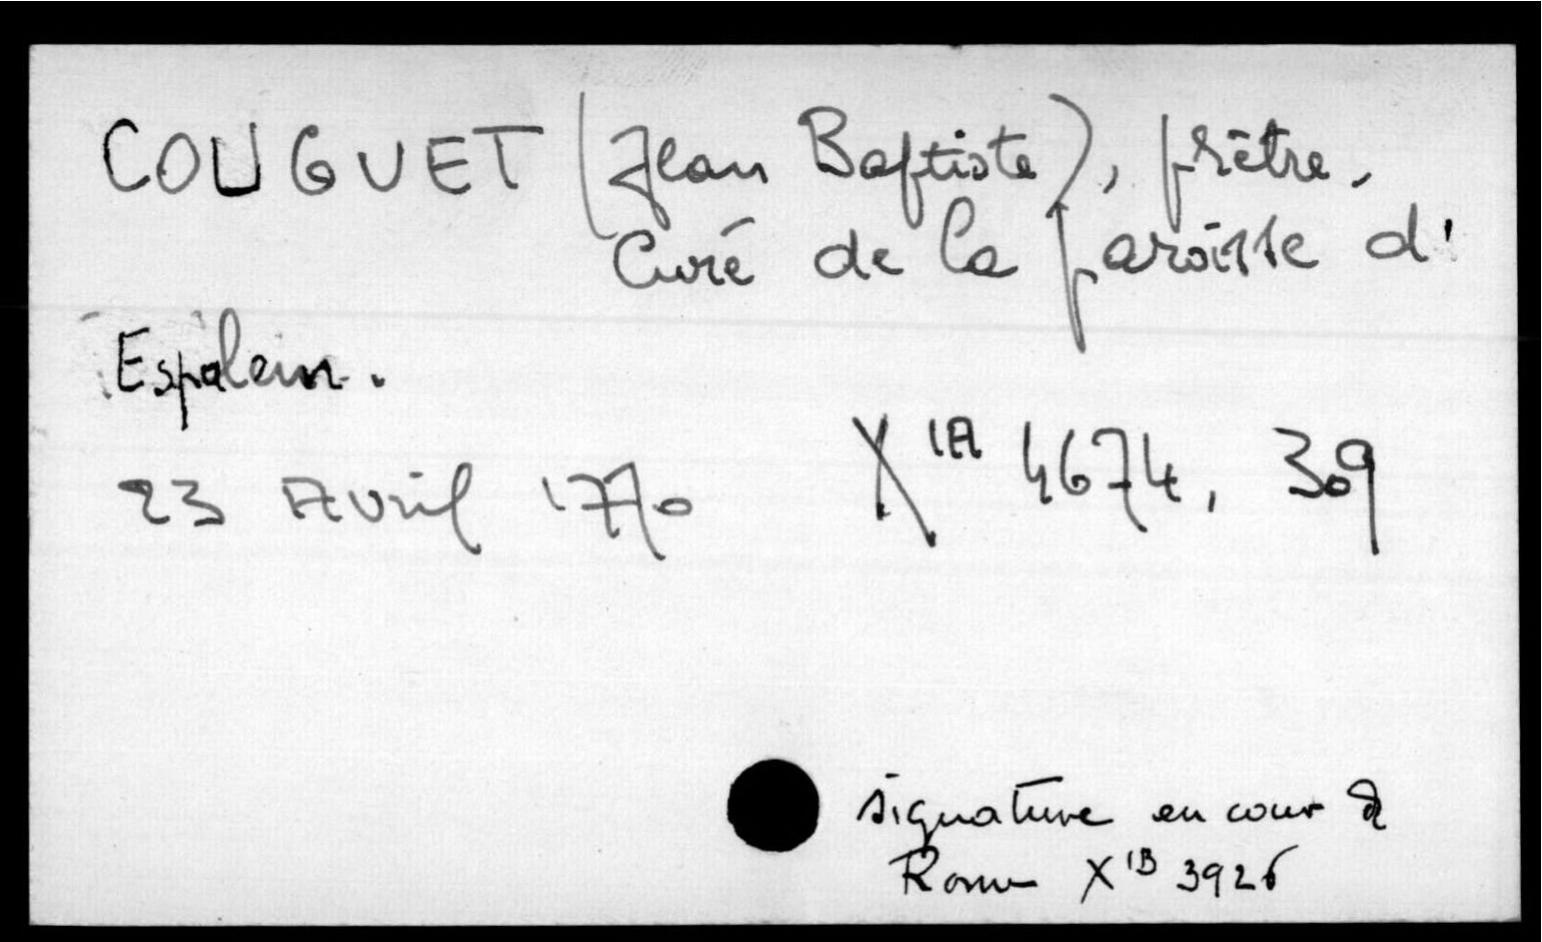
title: COUGUET (Jean Baptiste), prêtre, curé de la paroisse d'Éspalein
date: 23 avril 1770
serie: X1A
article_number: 4674
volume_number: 309
